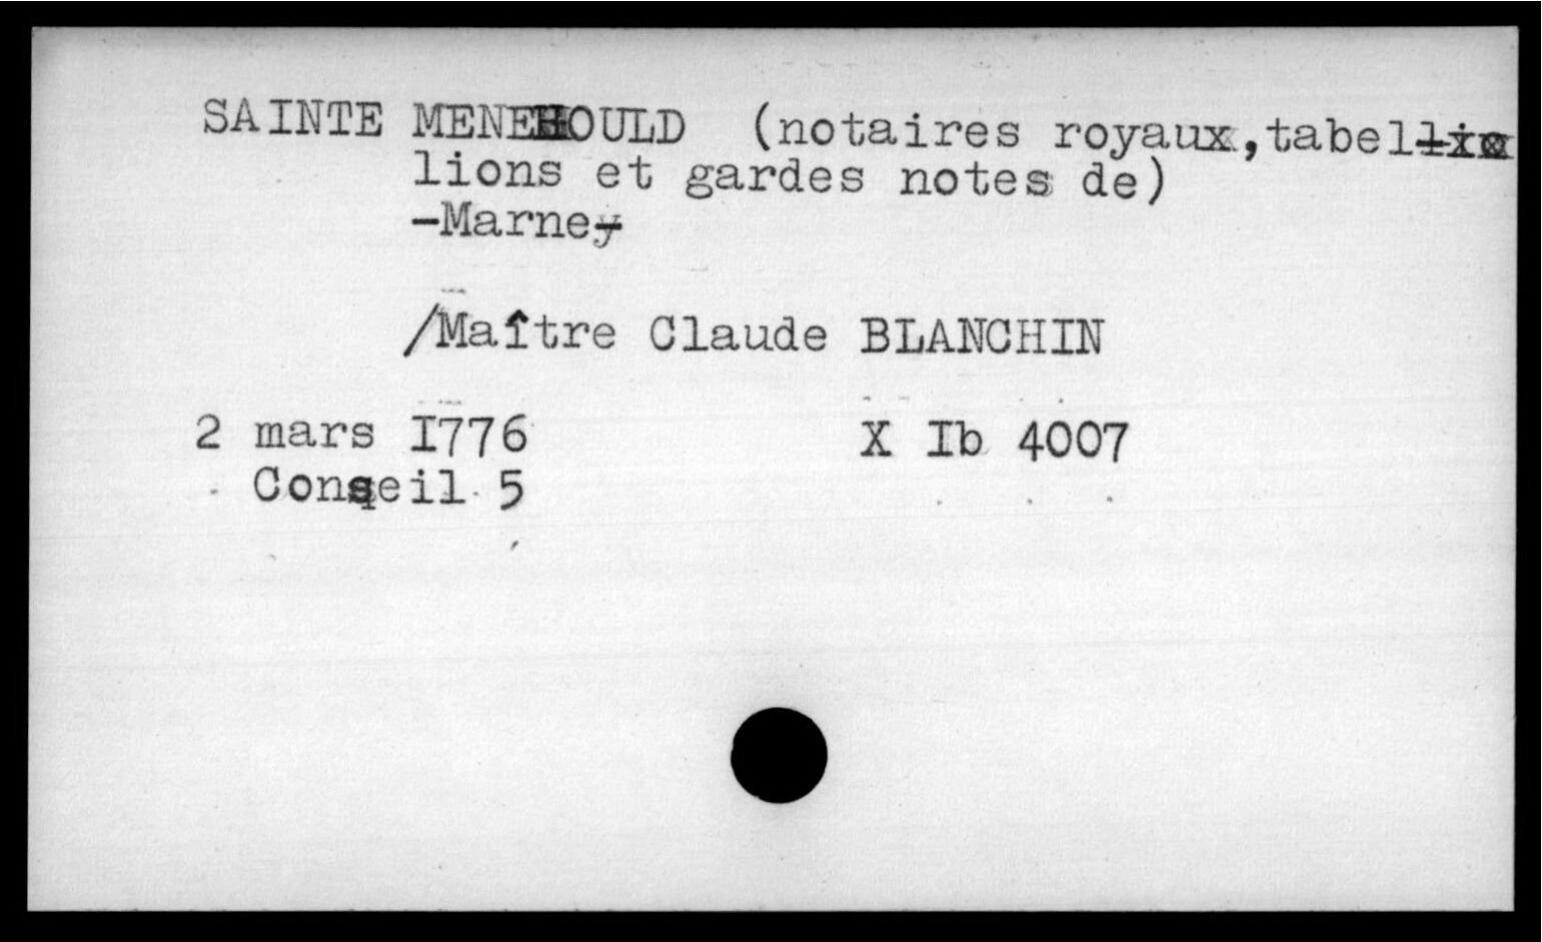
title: SAINTE MENEHOULD (notaires royaux, tabellions et gardes notes de) - Marne -
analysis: Contre Maître Claude BLANCHIN
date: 2 mars 1776
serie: X1b
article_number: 4007
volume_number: Conseil 5
